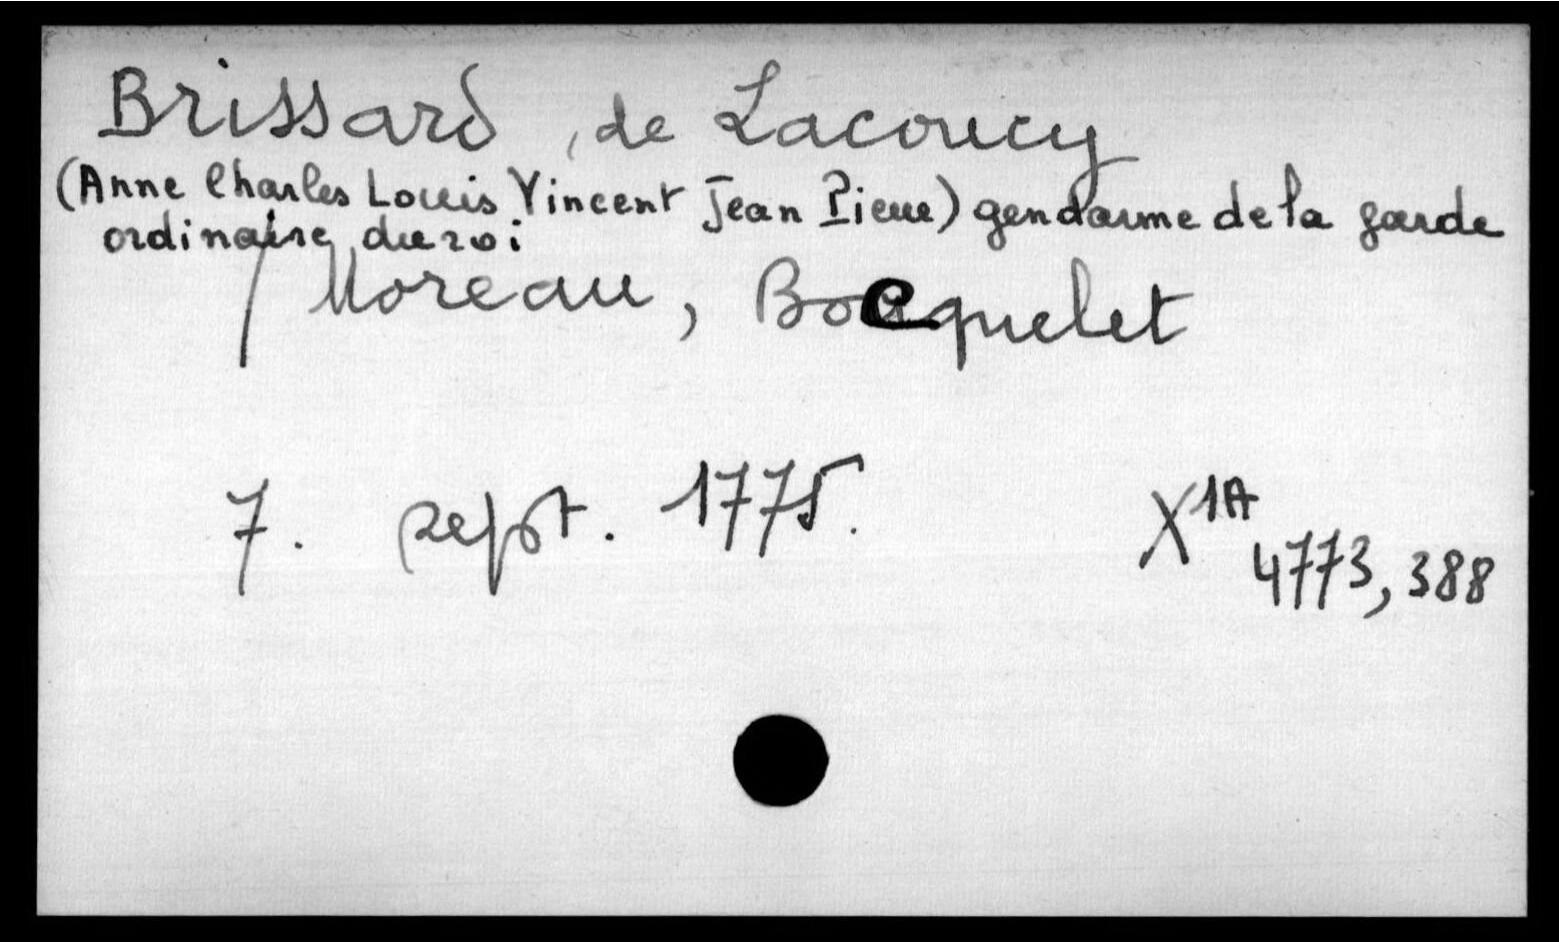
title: BRVSSARS (Anne Charles Louis Vincent Jean Pierre) gendarme de la garde ordinaire du roi
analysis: Contre Moreau, Bocquelet
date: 7 avril 1775
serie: X1A
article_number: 4773
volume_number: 388
